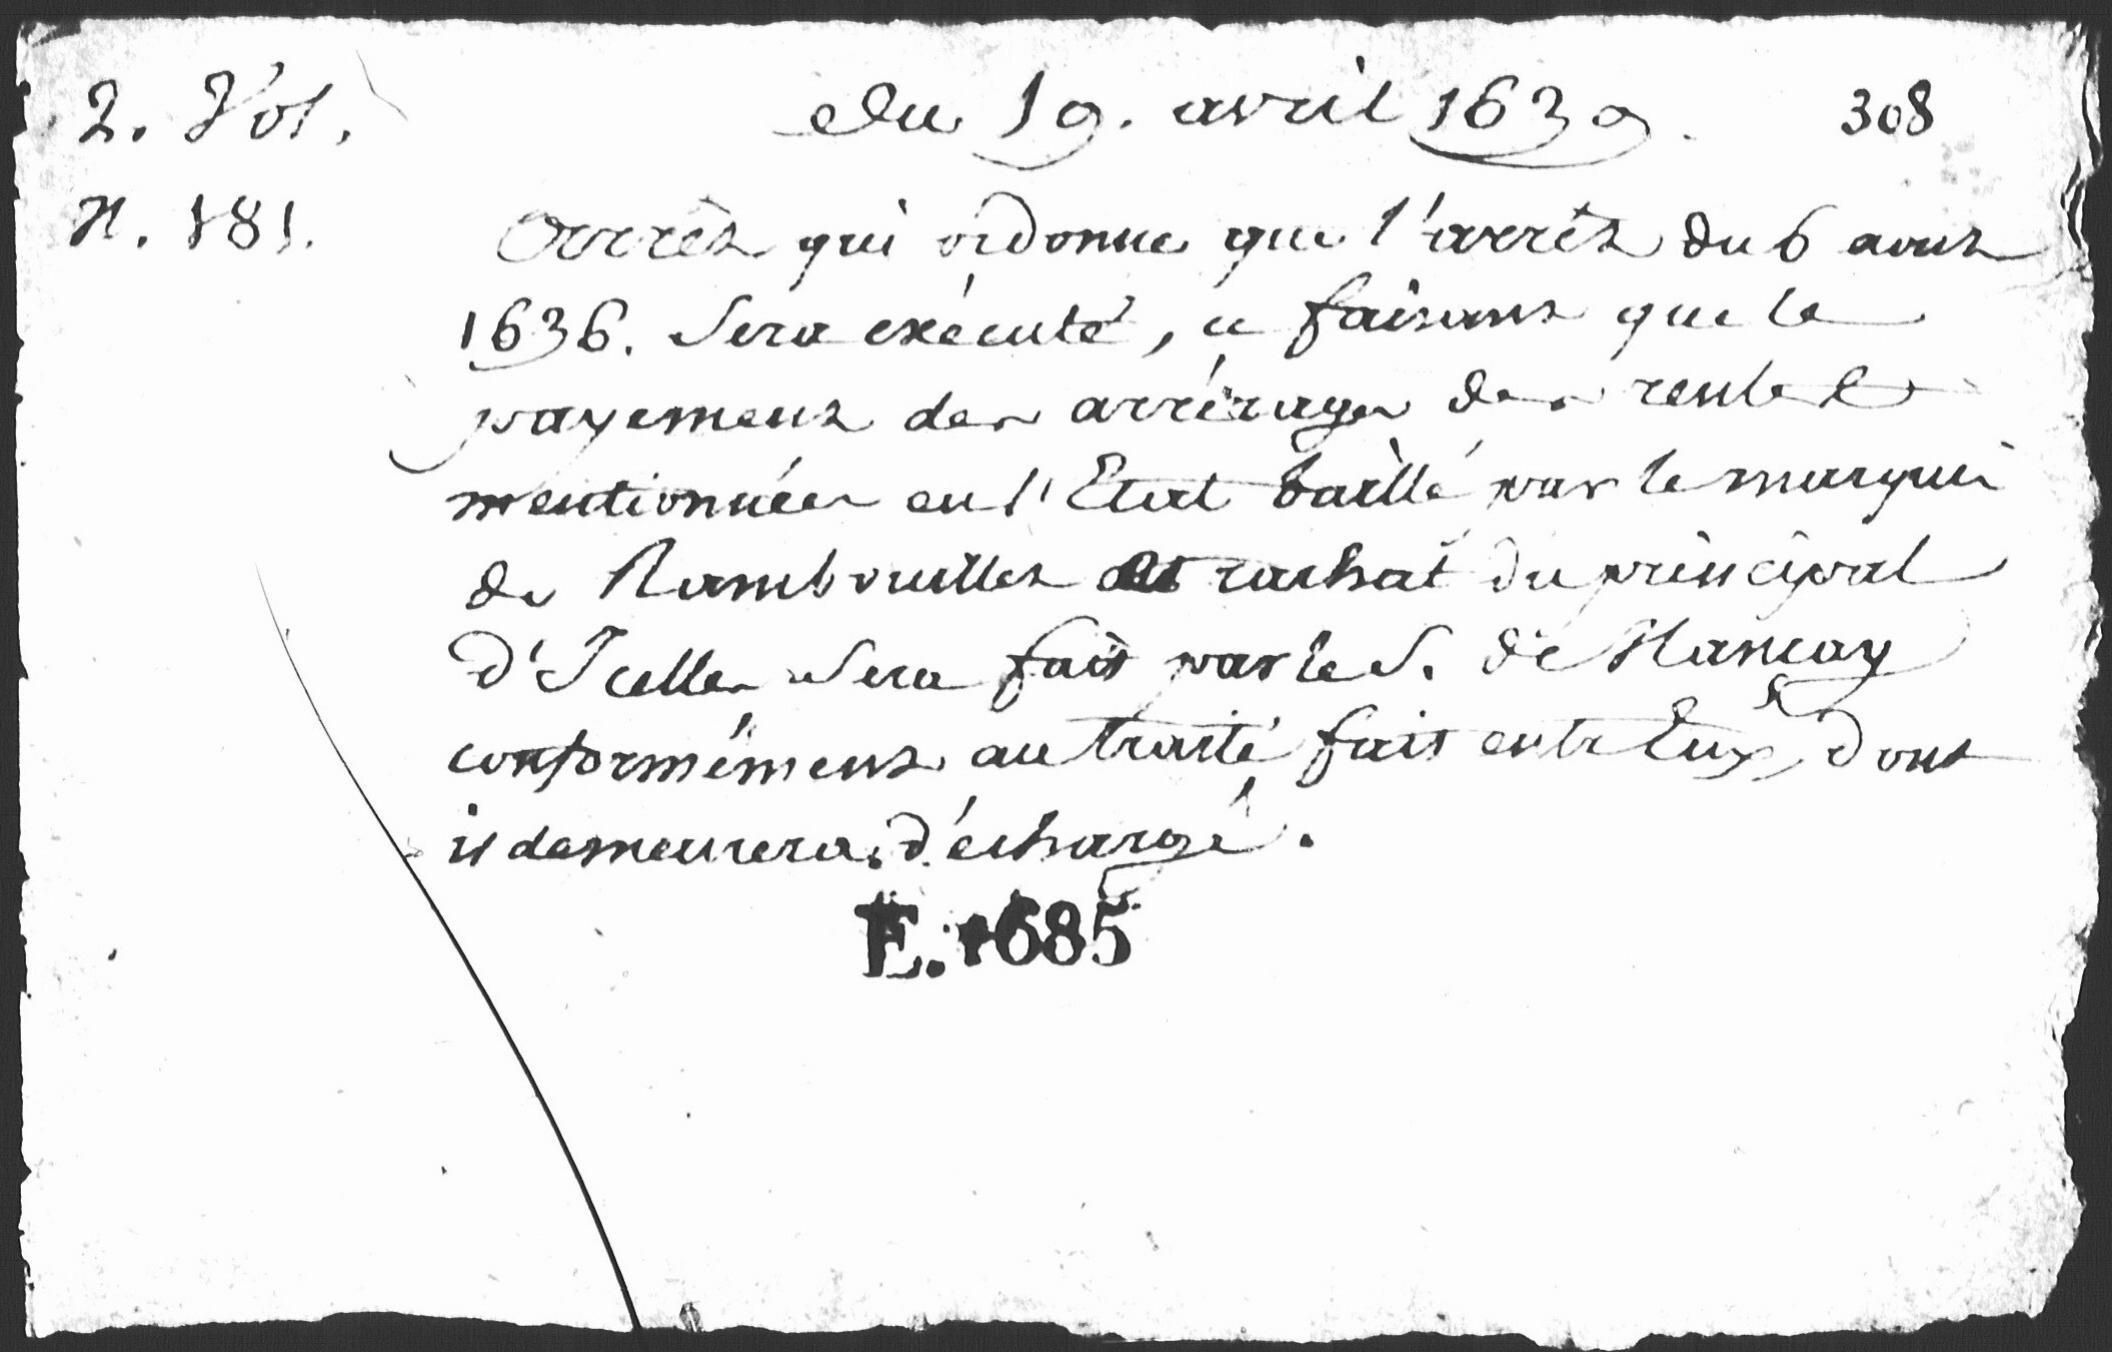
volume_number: n°181
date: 19 avril 1639
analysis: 308
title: Arrêt qui ordonne que l'arrêt du 6 aout 1636 sera exécuté, ce faisant que le payement des arrérages des rentes mentionnées en l'Etat baillé par le marquis de Rambouillet et rachat du principal d'icelles sera fait par le S. Nançay conformément au traité fait entre eux, dont il demeurera déchargé.
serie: E
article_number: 1685
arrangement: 2. vol.
